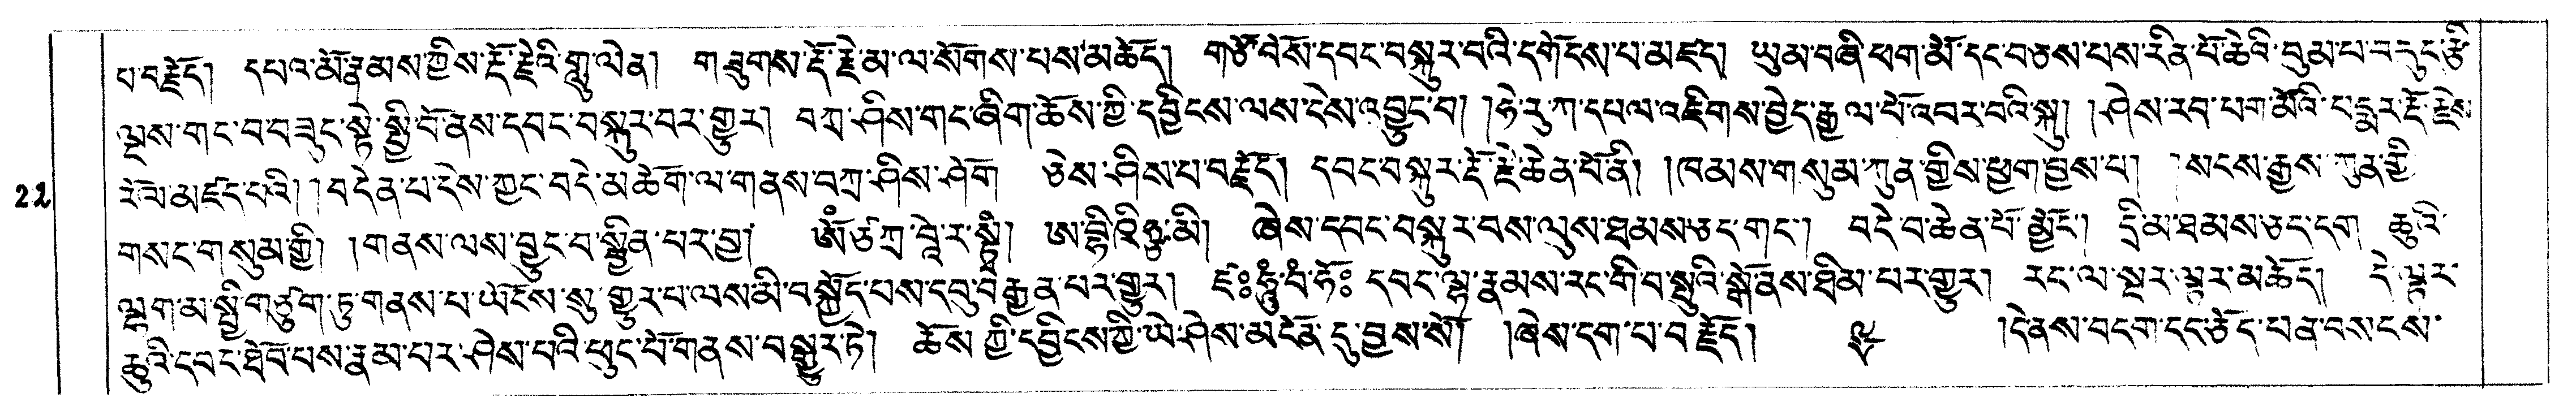པ་བརྗོད། དཔའ་མོ་རྣམས་ཀྱིས་རྡོ་རྗེའི་གླུ་ལེན། གཟུགས་རྡོ་རྗེ་མ་ལ་སོགས་པས་མཆོད། གཙོ་བོས་དབང་བསྐུར་བའི་དགོངས་པ་མཛད། ཡུམ་བཞི་ཕག་མོ་དང་བཅས་པས་རིན་པོ་ཆེའི་བུམ་པ་བདུང་རྩི་
ལྔས་གང་བ་བཟུང་སྟེ་སྤྱི་བོ་ནས་དབང་བསྐུར་བར་གྱུར། བཀྲ་ཤིས་གང་ཞིག་ཆོས་ཀྱི་དབྱིངས་ལས་ངེས་འབྱུང་བ། །ཧེ་རུ་ཀ་དཔལ་འཇིགས་བྱེད་རྒྱལ་པོ་འབར་བའི་སྐུ། །ཤེས་རབ་ཕག་མོའི་པདམར་རྡོ་རྗེས་
རོལ་མཛད་པའི། །བདེན་པ་དེས་ཀྱང་བདེ་མཆོག་ལ་གནས་བཀྲ་ཤིས་ཤོག་ཅེས་ཤིས་པ་བརྗོད། དབང་བསྐུར་རྡོ་རྗེ་ཆེན་པོ་ནི། །ཁམས་གསུམ་ཀུན་གྱིས་ཕྱག་བྱས་པ། །སངས་རྒྱས་ཀུན་གྱི་
གསང་གསུམ་གྱི། །གནས་ལས་བྱུང་བ་སྤྱིན་པར་བྱ། ཨོཾ་ཙ་ཀྲ་བE་ར་སྟྭི། ཨ་བྷི་ཥི་ཉྩ་མི། ཞེས་དབང་བསྐུར་བས་ལུས་ཐམས་ཅད་གང་། བདེ་བ་ཆེན་པོ་མྱོང་། དྲི་མ་ཐམས་ཅད་དག་ཆུའི་
ལྷག་མ་སྤྱི་གཙུག་ཏུ་གནས་པ་ཡོངས་སུ་གྱུར་པ་ལས་མི་བསཀ་ཡོད་པས་དབུ་བརྒྱན་པར་གྱུར། ཛཿ ཧཱུཾ་བཾ་ཧོཿ དབང་ལྷ་རྣམས་རང་གི་བ་སྤུའི་སྒོ་ནས་ཐིམ་པར་གྱུར། རང་ལ་སྔར་ལྟར་མཆོད། དེ་ལྟར་
ཆུའི་དབང་ཐོབ་པས་རྣམ་པར་ཤེས་པའི་ཕུང་པོ་གནས་བསྒྱུར་ཏེ། ཆོས་ཀྱི་དབྱིངས་ཀྱི་ཡེ་ཤེས་མངོན་དུ་བྱས་སོ། །ཞེས་དག་པ་བརྗོད། ༈ །དེ་ནས་བདག་དང་ཅོད་པན་བསངས་